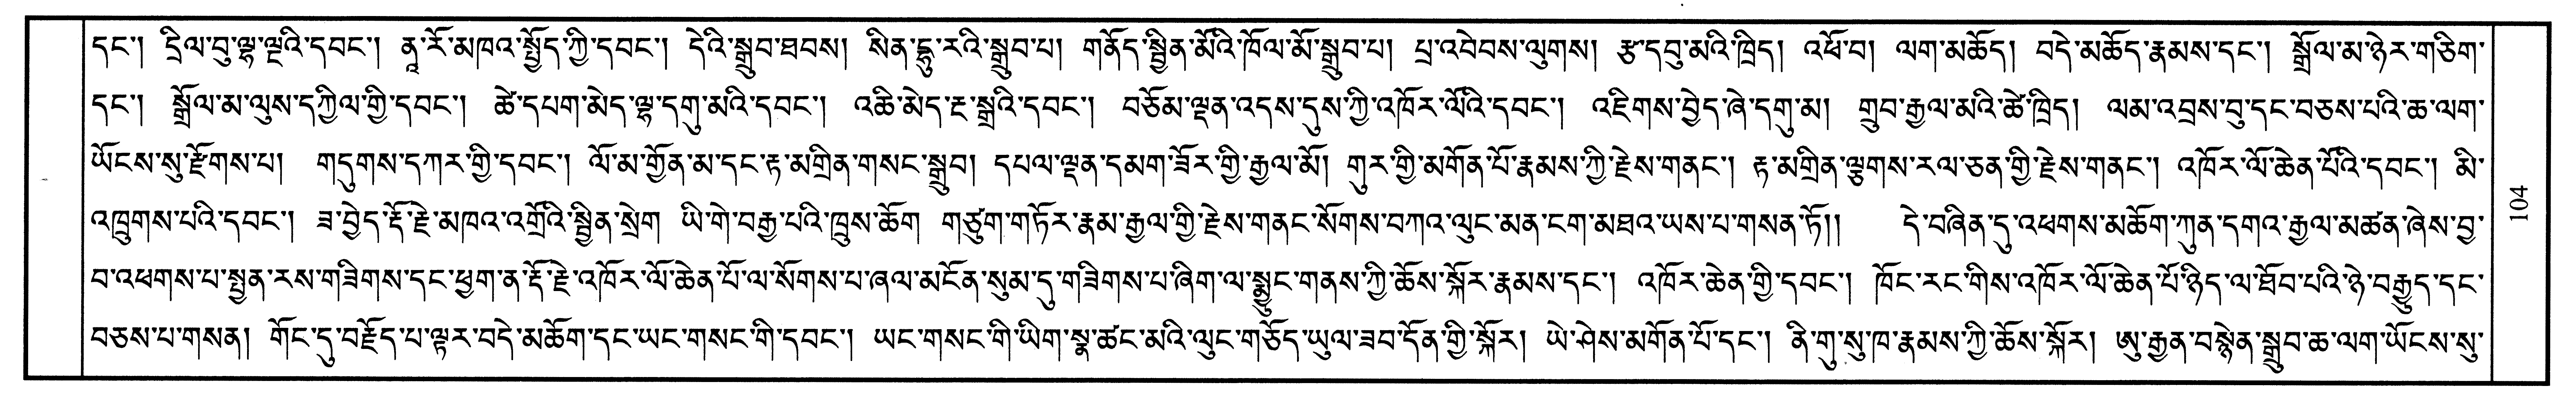དང་། དྲིལ་བུ་ལྷ་ལྔའི་དབང་། ནཱ་རོ་མཁའ་སྤྱོད་ཀྱི་དབང་། དེའི་སྒྲུབ་ཐབས། སིན་དྷུ་རའི་སྒྲུབ་པ། གནོད་སྦྱིན་མོའི་ཁོལ་མོ་སྒྲུབ་པ། པྲ་འབེབས་ལུགས། རྩ་དབུ་མའི་ཁྲིད། འཕོ་བ། ལག་མཆོད། བདེ་མཆོག་རྣམས་དང་། སྒྲོལ་མ་ཉེར་གཅིག་
དང་། སྒྲོལ་མ་ལུས་དཀྱིལ་གྱི་དབང་། ཚེ་དཔག་མེད་ལྷ་དགུ་མའི་དབང་། འཆི་མེད་རྔ་སྒྲའི་དབང་། བཅོམ་ལྡན་འདས་དུས་ཀྱི་འཁོར་ལོའི་དབང་། འཇིགས་བྱེད་ཞེ་དགུ་མ། གྲུབ་རྒྱལ་མའི་ཚེ་ཁྲིད། ལམ་འབྲས་བུ་དང་བཅས་པའི་ཆ་ལག་
ཡོངས་སུ་རྫོགས་པ། གདུགས་དཀར་གྱི་དབང་། ལོ་མ་གྱོན་མ་དང་རྟ་མགྲིན་གསང་སྒྲུབ། དཔལ་ལྡན་དམག་ཟོར་གྱི་རྒྱལ་མོ། གུར་གྱི་མགོན་པོ་རྣམས་ཀྱི་རྗེས་གནང་། རྟ་མགྲིན་ལྕགས་རལ་ཅན་གྱི་རྗེས་གནང་། འཁོར་ལོ་ཆེན་པོའི་དབང་། མི་
འཁྲུགས་པའི་དབང་། ཟ་བྱེད་རྡོ་རྗེ་མཁའ་འགྲོའི་སྦྱིན་སྲེག །ཡི་གེ་བརྒྱ་པའི་ཁྲུས་ཆོག །གཙུག་གཏོར་རྣམ་རྒྱལ་གྱི་རྗེས་གནང་སོགས་བཀའ་ལུང་མན་ངག་མཐའ་ཡས་པ་གསན་ཏོ། །དེ་བཞིན་དུ་འཕགས་མཆོག་ཀུན་དགའ་རྒྱལ་མཚན་ཞེས་བྱ་
བ་འཕགས་པ་སྤྱན་རས་གཟིགས་དང་ཕྱག་ན་རྡོ་རྗེ་འཁོར་ལོ་ཆེན་པོ་ལ་སོགས་པ་ཞལ་མངོན་སུམ་དུ་གཟིགས་པ་ཞིག་ལ་སྨྱུང་གནས་ཀྱི་ཆོས་སྐོར་རྣམས་དང་། འཁོར་ཆེན་གྱི་དབང་། ཁོང་རང་གིས་འཁོར་ལོ་ཆེན་པོ་ཉིད་ལ་ཐོབ་པའི་ཉེ་བརྒྱུད་དང་
བཅས་པ་གསན། གོང་དུ་བརྗོད་པ་ལྟར་བདེ་མཆོག་དང་ཡང་གསང་གི་དབང་། ཡང་གསང་གི་ཡིག་སྣ་ཚང་མའི་ལུང་གཅོད་ཡུལ་ཟབ་དོན་གྱི་སྐོར། ཡེ་ཤེས་མགོན་པོ་དང་། ནི་གུ་སུ་ཁ་རྣམས་ཀྱི་ཆོས་སྐོར། ཨུ་རྒྱན་བསྙེན་སྒྲུབ་ཆ་ལག་ཡོངས་སུ་